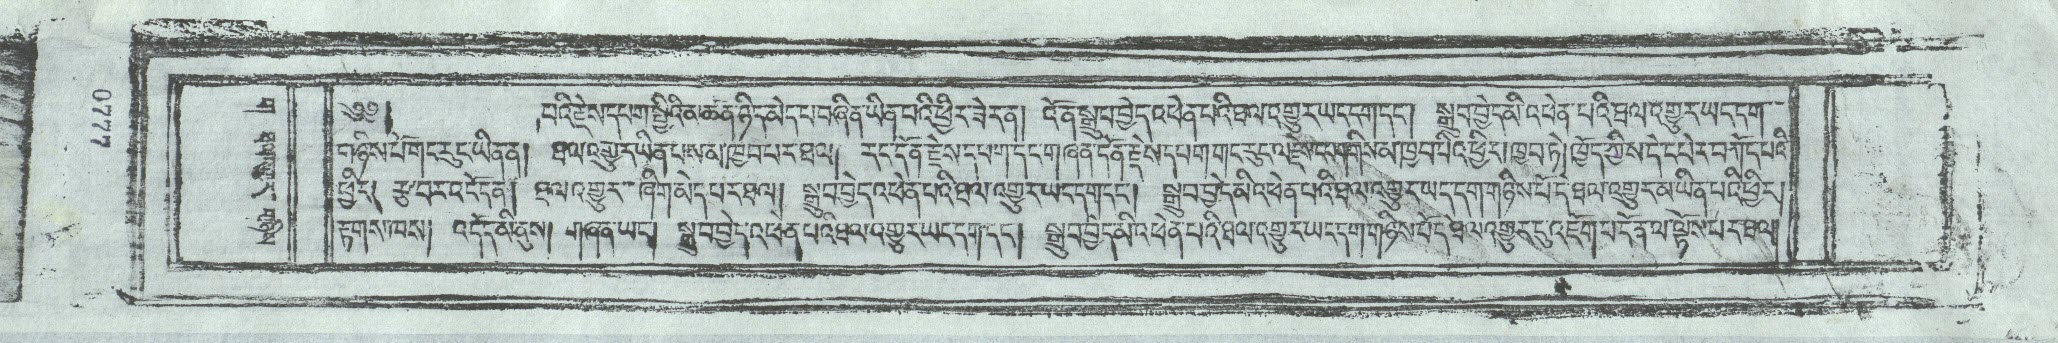༄༅། །པའི་རྗེས་དཔག་སྤྱིའི་མཚན་ཉིད་མེད་པ་བཞིན་ཡིན་པའི་ཕྱིར་ཟེར་ན། འོ་ན་སྒྲུབ་བྱེད་འཕེན་པའི་ཐལ་འགྱུར་ཡང་དག་དང་། སྒྲུབ་བྱེད་མི་འཕེན་པའི་ཐལ་འགྱུར་ཡང་དག་
གཉིས་པོ་གང་རུང་ཡིན་ན། ཐལ་འགྱུར་ཡིན་པས་མ་ཁྱབ་པར་ཐལ། རང་དོན་རྗེས་དཔག་དང་གཞན་དོན་རྗེས་དཔག་གང་རུང་ལ་རྗེས་དཔག་གིས་མ་ཁྱབ་པའི་ཕྱིར། ཁྱབ་ཏེ། ཁྱོད་ཀྱིས་དེ་དཔེར་བཀོད་པའི་
ཕྱིར༑ རྩ་བར་འདོད་ན། ཐལ་འགྱུར་ཞིག་མེད་པར་ཐལ། སྒྲུབ་བྱེད་འཕེན་པའི་ཐལ་འགྱུར་ཡང་དག་དང་། སྒྲུབ་བྱེད་མི་འཕེན་པའི་ཐལ་འགྱུར་ཡང་དག་གཉིས་པོ་དེ་ཐལ་འགྱུར་མ་ཡིན་པའི་ཕྱིར།
རྟགས་ཁས། འདོད་མི་ནུས། གཞན་ཡང་། སྒྲུབ་བྱེད་འཕེན་པའི་ཐལ་འགྱུར་ཡང་དག་དང་། སྒྲུབ་བྱེད་མི་འཕེན་པའི་ཐལ་འགྱུར་ཡང་དག་གཉིས་པོ་དེ་ཐལ་འགྱུར་དུ་འཇོག་པ་དོན་ལ་ལྟོས་པར་ཐལ།